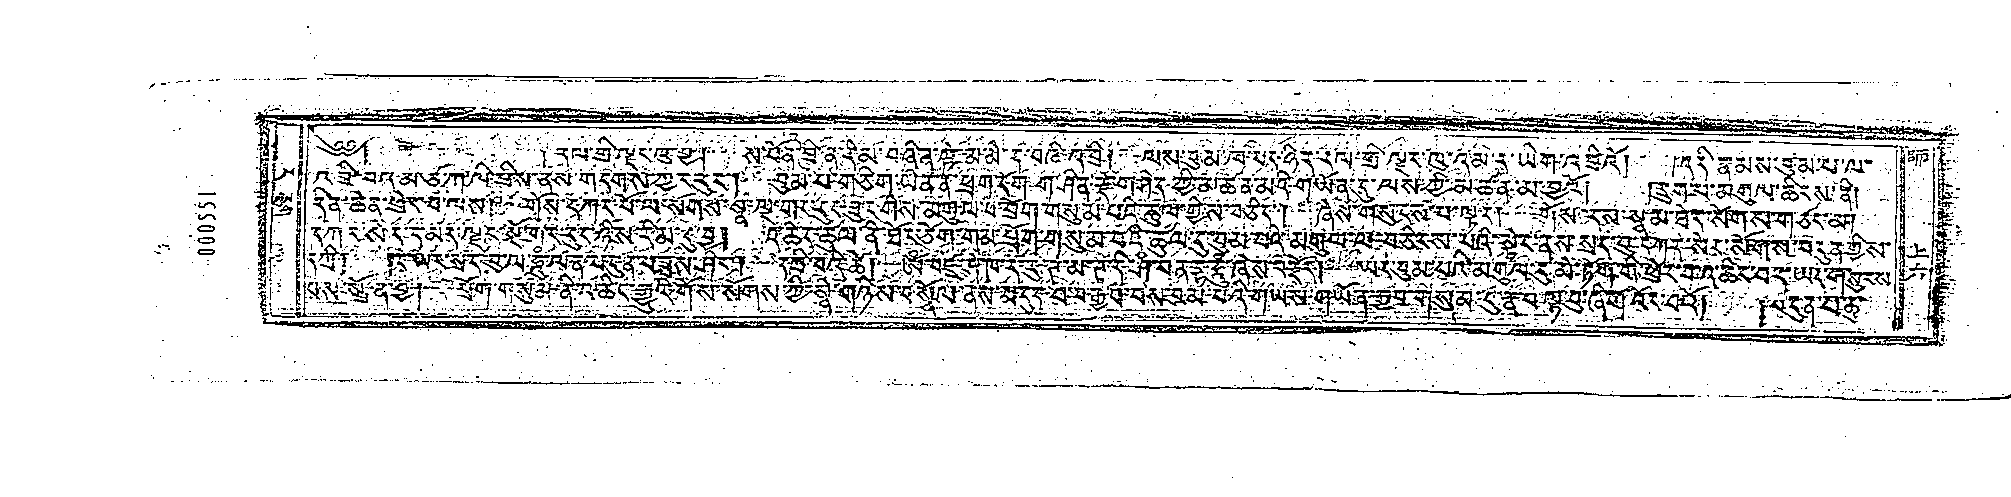༄༅། །རལ་གྲི་ལྗང་ཁུ་བྱ། ས་བོན་ཟིན་རིམ་བཞིན་ཀྵེ་མ་མེར་བཞི་འབྲི། ལས་བུམ་ལ་པད་ཉིར་རལ་གྲི་ལྗང་ཁུའམ་ར་ཡིག་འབྲིའོ། །འདི་རྣམས་བུམ་པ་ལ་
འབྲི་བའམ་ཙ་ཀ་ལི་བྲིས་ནས་གདགས་ཀྱང་རུང་། བུམ་པ་གཅིག་ཡིན་ན་ཕྲག་དོག་གཤིན་རྗེ་གཤེད་ཀྱི་མཚན་མའི་གཡོན་དུ་ལས་ཀྱི་མཚན་མ་བྱའོ། །དྲུག་པ་མགུལ་ཆིངས་ནི།
རིན་ཆེན་ཕྲེང་བ་ལས། གོས་དཀར་པོ་ལ་སོགས་སྣ་ལྔ་གང་རུང་ཟུང་གིས་མགུལ་པ་བྲོག་གསུམ་པའི་ཚུལ་གྱིས་བཅིང་། ཞེས་གསུངས་པ་ལྟར། གོས་རས་སྣམ་ཐར་སོགས་གཙང་མ།
དཀར་སེར་དམར་ལྗང་སྔོ་གང་རུང་ཉིས་རིམ་དུ་བྱ། འཆེད་ཚུལ་ནི་ཐོག་ཅོག་གམ་ཕྲོག་གསུམ་པའི་ཚུལ་དུ་བུམ་པའི་མགུལ་ལ་བཅིངས་པའི་སྟེང་ནས་སྲང་བུ་དཀར་སེར་སོགས་བདུན་གྱིས་
དཀྲི། །དེ་ཡང་སྲང་བུ་ལ་ཧཱུཾ་ལན་བདུན་བཟླས་ཤིང་། དཀྲི་བའི་ཚེ། ཨོཾ་བཛྲ་ཤེ་ཁ་ར་རུ་ཊ་མ་ཊ་དི་ཤཾ་བ་ན་དྷ་ཧཱུཾ་ཞེས་བརྗོད། ཡང་བུམ་པའི་མགུལ་དུ་མེ་ཏོག་གི་ཕྲེང་བ་འཆིང་བར་ཡང་གསུངས་
པས་སྤྲོན་བྱ། བྲོག་གསུམ་ནི་འཆིང་རྒྱུའི་གོས་སོགས་ཀྱི་སྣེ་གཉིས་བསྣོལ་ནས་མདུད་བ་བརྒྱབ་བས་བུམ་པའི་གཡས་གཡོན་རྒྱབ་གསུམ་དུ་རྣ་བ་ལྟ་བུ་ཞིག་འོང་བའོ། །བདུན་པ་ཆུ་